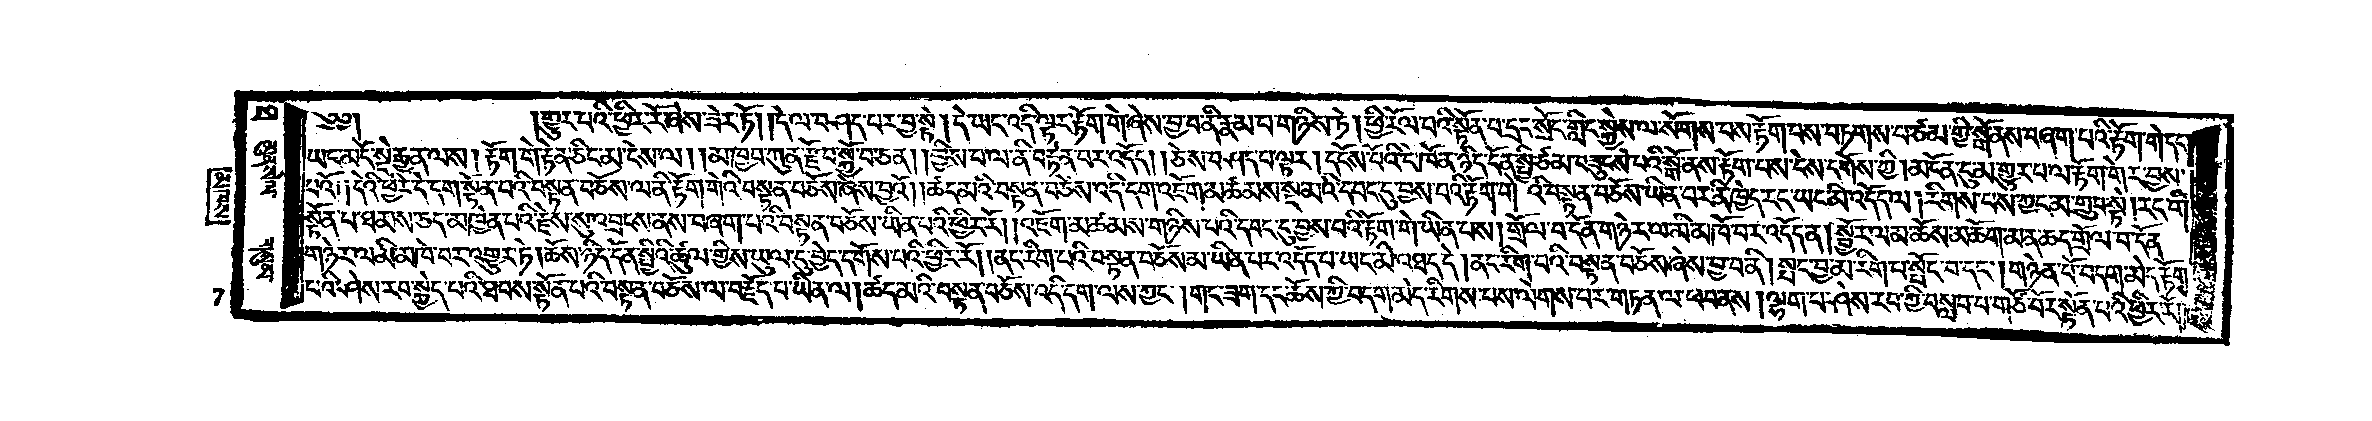༄༅། །གྱུར་པའི་ཕྱིར་རོ་ཞེས་ཟེར་ཏོ། །དེ་ལ་བཤད་པར་བྱ་སྟེ། དེ་ཡང་འདི་ལྟར་རྟོག་གེ་ཞེས་བྱ་བ་ནི་རྣམ་པ་གཉིས་ཏེ། ཕྱི་རོལ་པའི་སྟོན་པ་དྲང་སྲོང་གླིང་སྐྱེས་ལ་སོགས་པས་རྟོག་པས་བཏགས་པ་ཙམ་གྱི་སྒོ་ནས་བཞག་པའི་རྟོག་གེ་དང་།
ཡང་མདོ་སྡེ་རྒྱན་ལས། རྟོག་གེ་རྟེན་ཅིང་མ་ངེས་ལ། །མ་ཁྱབ་ཀུན་རྫོབ་སྐྱོ་བ་ཅན། །བྱིས་པ་ལ་ནི་བརྟེན་པར་འདོད། །ཅེས་བཤད་པ་ལྟར། དངོས་པོའི་དེ་ཁོ་ན་ཉིད་དོན་སྤྱི་ཙམ་བཟུངས་པའི་སྒོ་ནས་རྟོག་པས་ངེས་དགོས་ཀྱི། མངོན་དུ་མ་གྱུར་པ་ལ་རྟོག་གེར་བྱས་
པའོ༑ ༑དེའི་ཕྱིར་དེ་དག་སྟོན་པའི་བསྟན་བཅོས་ལ་ནི་རྟོག་གེའི་བསྟན་བཅོས་ཞེས་བྱའོ། །ཚད་མའི་བསྟན་བཅོས་འདི་དག་འཇོག་མཚམས་སྔ་མའི་དབང་དུ་བྱས་པའི་རྟོག་གེའི་བསྟན་བཅོས་ཡིན་པར་ནི་ཁྱེད་རང་ཡང་མི་འདོད་ལ། རིགས་པས་ཀྱང་མ་གྲུབ་སྟེ། རང་གི་
སྟོན་པ་ཐམས་ཅད་མཁྱེན་པའི་རྗེས་སུ་འབྲངས་ནས་བཞག་པའི་བསྟན་བཅོས་ཡིན་པའི་ཕྱིར་རོ། །འཇོག་མཚམས་གཉིས་པའི་དབང་དུ་བྱས་པའི་རྟོག་གེ་ཡིན་པས། གྲོལ་བ་དོན་གཉེར་ལ་མི་མཁོ་བར་འདོད་ན། སྦྱོར་ལམ་ཆོས་མཆོག་མན་ཆད་གྲོལ་བ་དོན་
གཉེར་ལ་མི་མཁེ་བར་འགྱུར་ཏེ། ཆོས་ཉིད་དོན་སྤྱིའི་ཚུལ་གྱིས་ཡུལ་དུ་བྱེད་དགོས་པའི་ཕྱིར་རོ། །ནང་རིག་པའི་བསྟན་བཅོས་མ་ཡིན་པར་འདོད་པ་ཡང་མི་འཐད་དེ། ནང་རིག་པའི་བསྟན་བཅོས་ཞེས་བྱ་བ་ནི། སྤང་བྱ་མ་རིག་པ་སྤོང་བ་དང་། གཉེན་པོ་བདག་མེད་རྟོགས་
པའི་ཤེས་རབ་སྐྱེད་པའི་ཐབས་སྟོན་པའི་བསྟན་བཅོས་ལ་བརྗོད་པ་ཡིན་ལ། ཚད་མའི་བསྟན་བཅོས་འདི་དག་ལས་ཀྱང་། གང་ཟག་དང་ཆོས་ཀྱི་བདག་མེད་རིགས་པས་ལེགས་པར་གཏན་ལ་ཕབ་ནས། ལྷག་པ་ཤེས་རབ་ཀྱི་བསླབ་པ་གཙོ་བོར་སྟོན་པའི་ཕྱིར་རོ།།